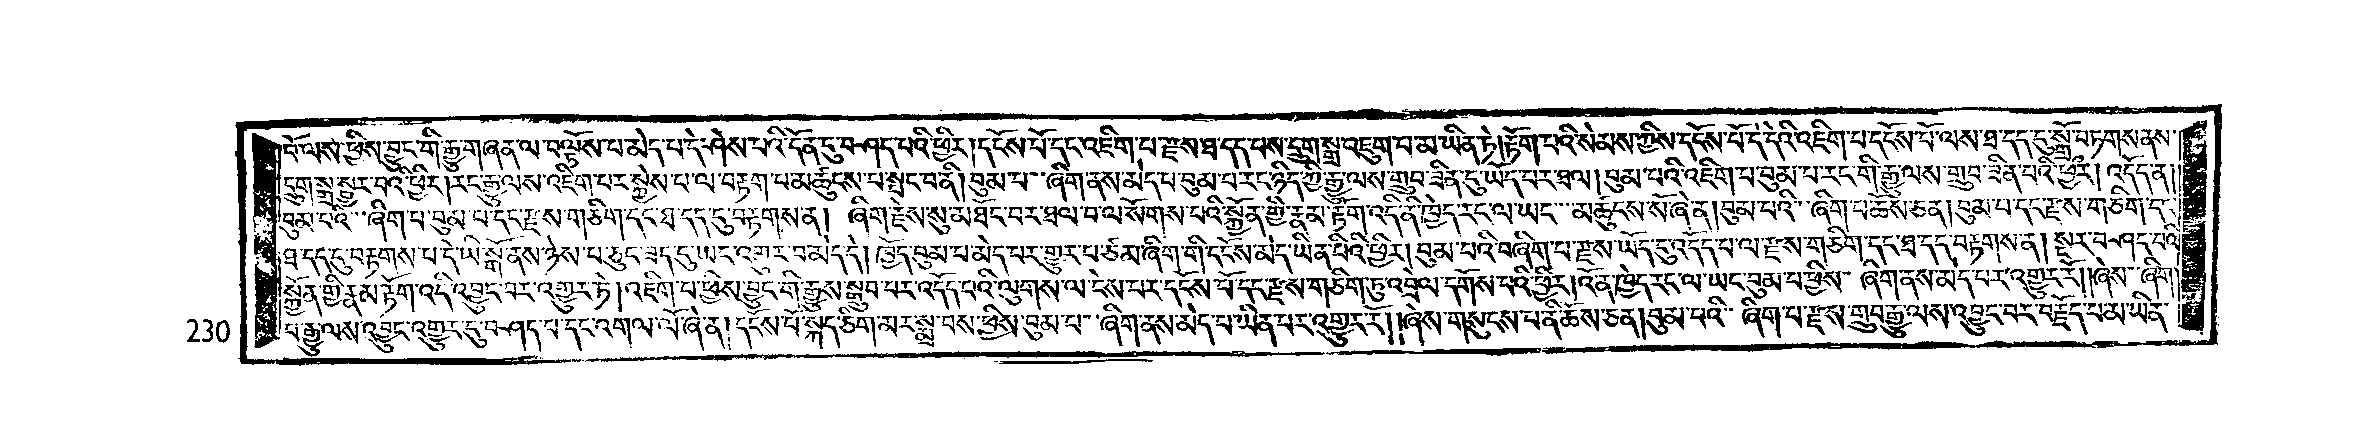པོ་ལས་ཕྱིས་བྱུང་གི་རྒྱུ་གཞན་ལ་བལྟོས་པ་མེད་པ་དེ་ཤེས་པའི་དོན་དུ་བཤད་པའི་ཕྱིར། དངོས་པོ་དང་འཇིག་པ་རྫས་ཐ་དད་པས་དྲུག་སྒྲ་འཇུག་པ་མ་ཡིན་ཏེ། རྟོག་པའི་སེམས་ཀྱིས་དངོས་པོ་དེ་དེའི་འཇིག་པ་དངོས་པོ་ལས་ཐ་དད་དུ་སྒྲོ་བཏགས་ནས་
དྲུག་སྒྲ་སྦྱར་བའི་ཕྱིར། རང་རྒྱུ་ལས་འཇིག་པར་སྐྱེས་པ་ལ་བརྟག་པ་མཚུངས་པ་སྤང་བ་ནི། བུམ་པ་ཞིག་ནས་མེད་པ་བུམ་པ་རང་ཉིད་ཀྱི་རྒྱུ་ལས་གྲུབ་ཟིན་དུ་ཡོད་པར་ཐལ། བུམ་པའི་འཇིག་པ་བུམ་པ་རང་གི་རྒྱུ་ལས་གྲུབ་ཟིན་པའི་ཕྱིར། འདོད་ན།
བུམ་པའི་ཞིག་པ་བུམ་པ་དང་རྫས་གཅིག་དང་ཐ་དད་དུ་བརྟགས་ན། ཞིག་རྗེས་སུ་མཐོང་བར་ཐལ་བ་ལ་སོགས་པའི་སྐྱོན་གྱི་རྣམ་རྟོག་འདི་ནི་ཁྱེད་རང་ལ་ཡང་མཚུངས་སོ་ཞེ་ན། བུམ་པའི་ཞིག་པ་ཆོས་ཅན། བུམ་པ་དང་རྫས་གཅིག་དང་
ཐ་དད་དུ་བརྟགས་པ་དེ་ཡི་སྒོ་ནས་ཉེས་པ་ཅུང་ཟད་དུ་ཡང་འགྱུར་བ་མེད་དེ། ཁྱོད་བུམ་པ་མེད་པར་གྱུར་པ་ཙམ་ཞིག་གི་དངོས་མེད་ཡིན་པའི་ཕྱིར། བུམ་པའི་བཞིག་པ་རྫས་ཡོད་དུ་འདོད་པ་ལ་རྫས་གཅིག་དང་ཐ་དད་བརྟགས་ན། སྔར་བཤད་པའི་
སྐྱོན་གྱི་རྣམ་རྟོག་འདི་འབྱུང་བར་འགྱུར་ཏེ། འཇིག་པ་ཕྱིས་བྱུང་གི་རྒྱུས་སྒྲུབ་པར་འདོད་པའི་ལུགས་ལ་ངེས་པར་དངོས་པོ་དང་རྫས་གཅིག་ཏུ་འབྲེལ་དགོས་པའི་ཕྱིར། འོ་ན་ཁྱེད་རང་ལ་ཡང་བུམ་པ་ཕྱིས་ཞིག་ནས་མེད་པར་འགྱུར་རོ། །ཞེས་ཞིག་
པ་རྒྱུ་ལས་འབྱུང་འགྱུར་དུ་བཤད་པ་དང་འགལ་ལོ་ཞེ་ན། དངོས་པོ་སྐད་ཅིག་མར་སྨྲ་བས་ཕྱིས་བུམ་པ་ཞིག་ནས་མེད་པ་ཡིན་པར་འགྱུར་རོ། །ཞེས་གསུངས་པ་ནི་ཆོས་ཅན། བུམ་པའི་ཞིག་པ་རྫས་གྲུབ་རྒྱུ་ལས་འབྱུང་བར་བརྗོད་པ་མ་ཡིན་